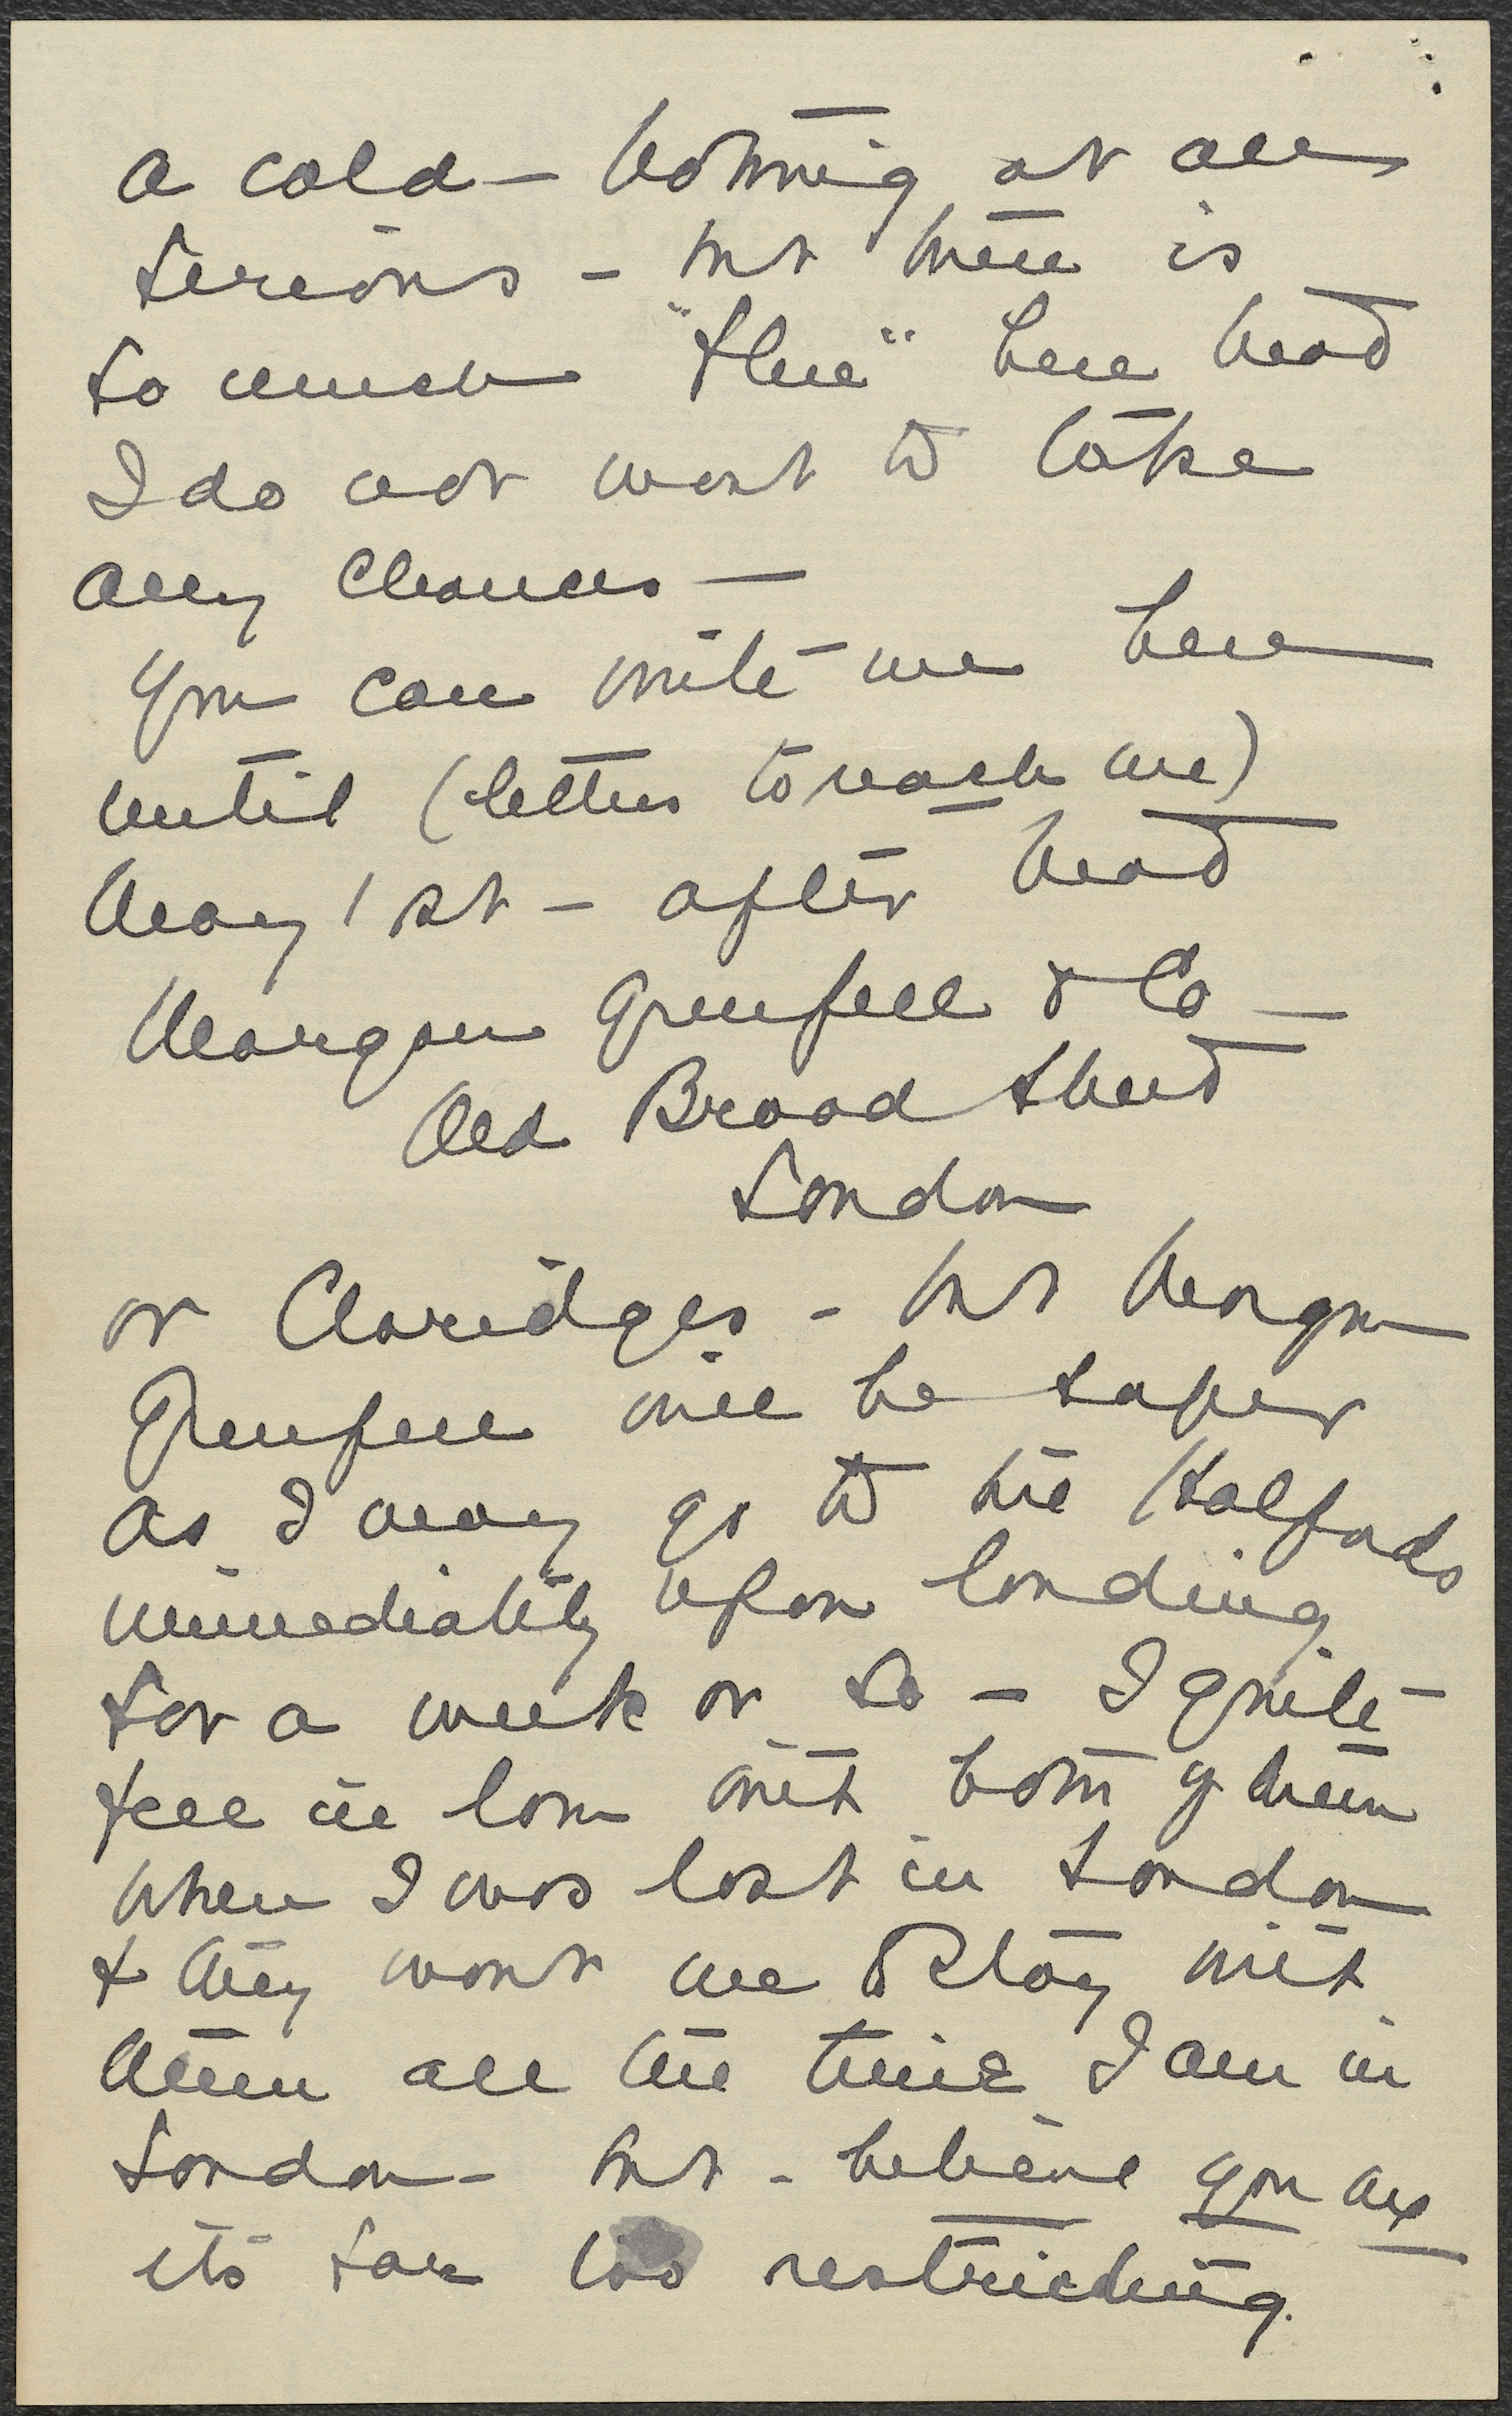a cold – nothing at all serious – but there is so much "flue" here that I do not want to take any chances –
You can write me here until (letter to reach me) May 1st – after that Morgan Grenfell & Co – Old Broad Street London or Claridges – but Morgan Grenfell will be safer as I may go to the Holfords immediately upon landing for a week or so – I quite fell in love with both of them when I was last in London & they want me to stay with them all the time I am in London – but believe you me it's far too restricting.